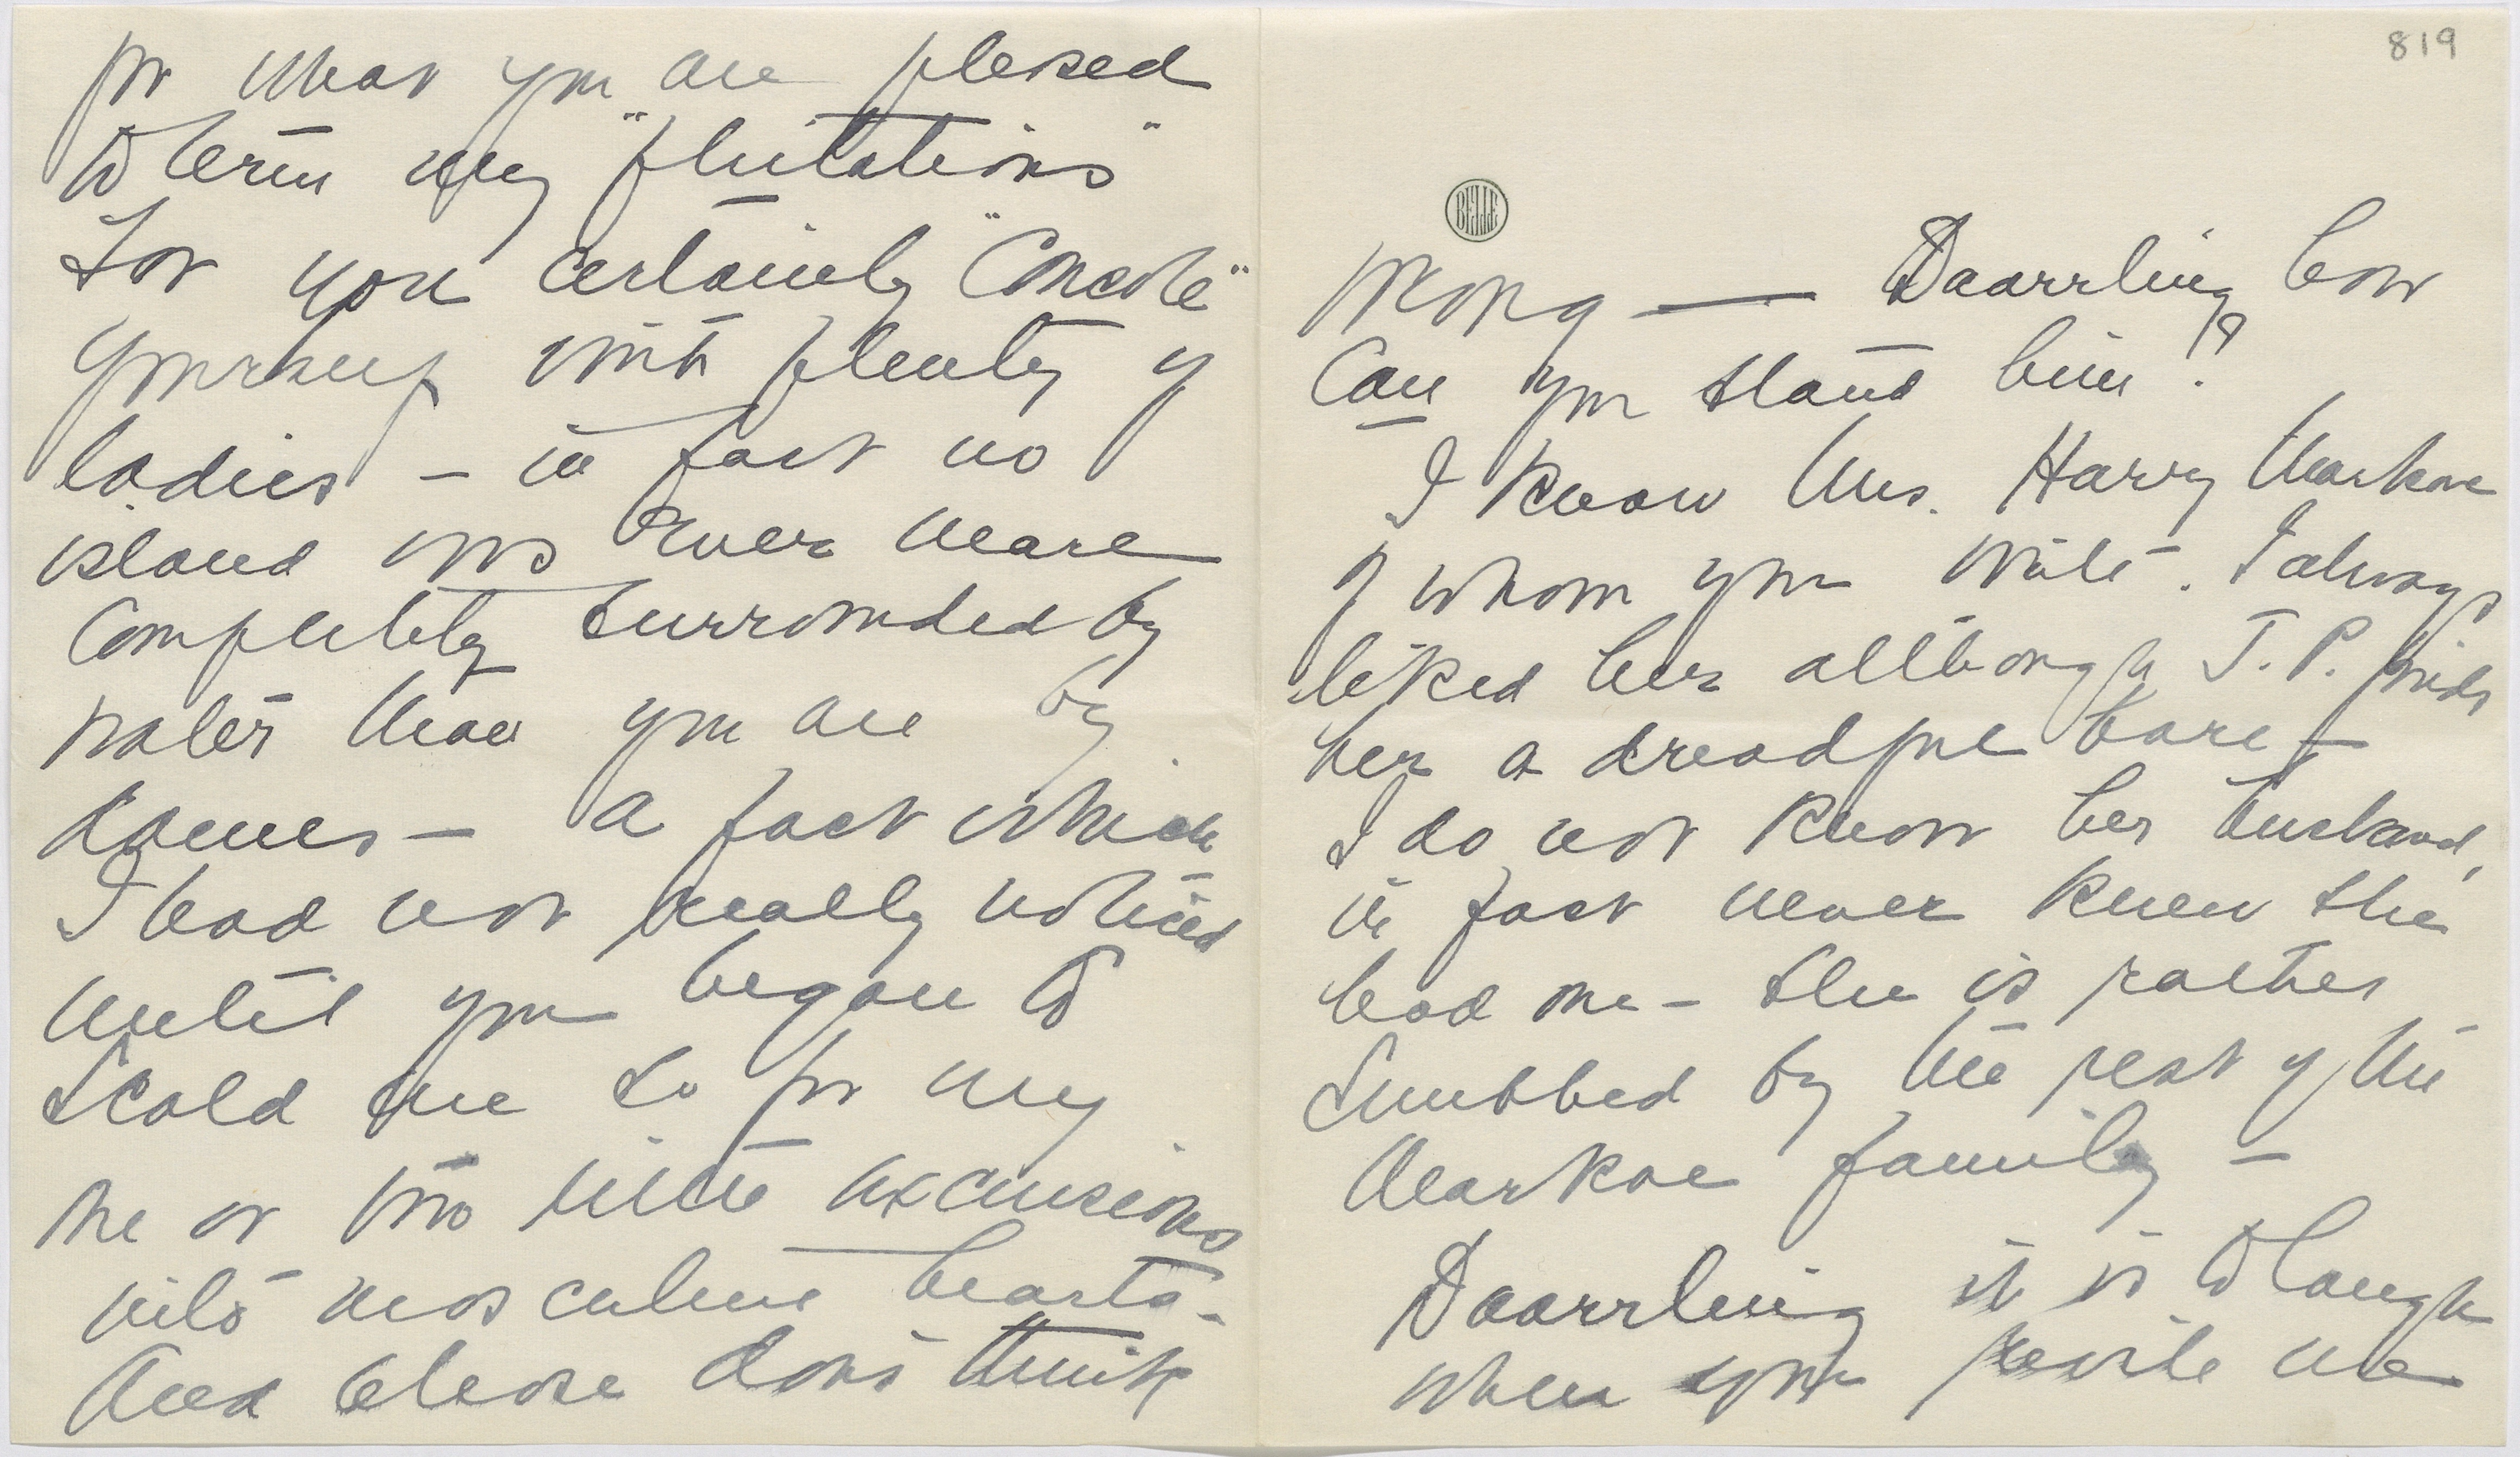wrong – Daarrling how can you stand him?
I know Mrs. Harry Markoe of whom you write. I always liked her although J. P. finds her a dreadful bore –
I do not know her husband, in fact never knew she had one – she is rather snubbed by the rest of the Markoe family –
Daarrling it is to laugh when you revile me
for what you are pleased to term my “flirtations” For you certainly “console” yourself with plenty of ladies – in fact no island was ever more completely surrounded by water than you are by dames – a fact which I had not really noticed until you began to scold me so for my one or two little excursions into masculine hearts – And please don’t think